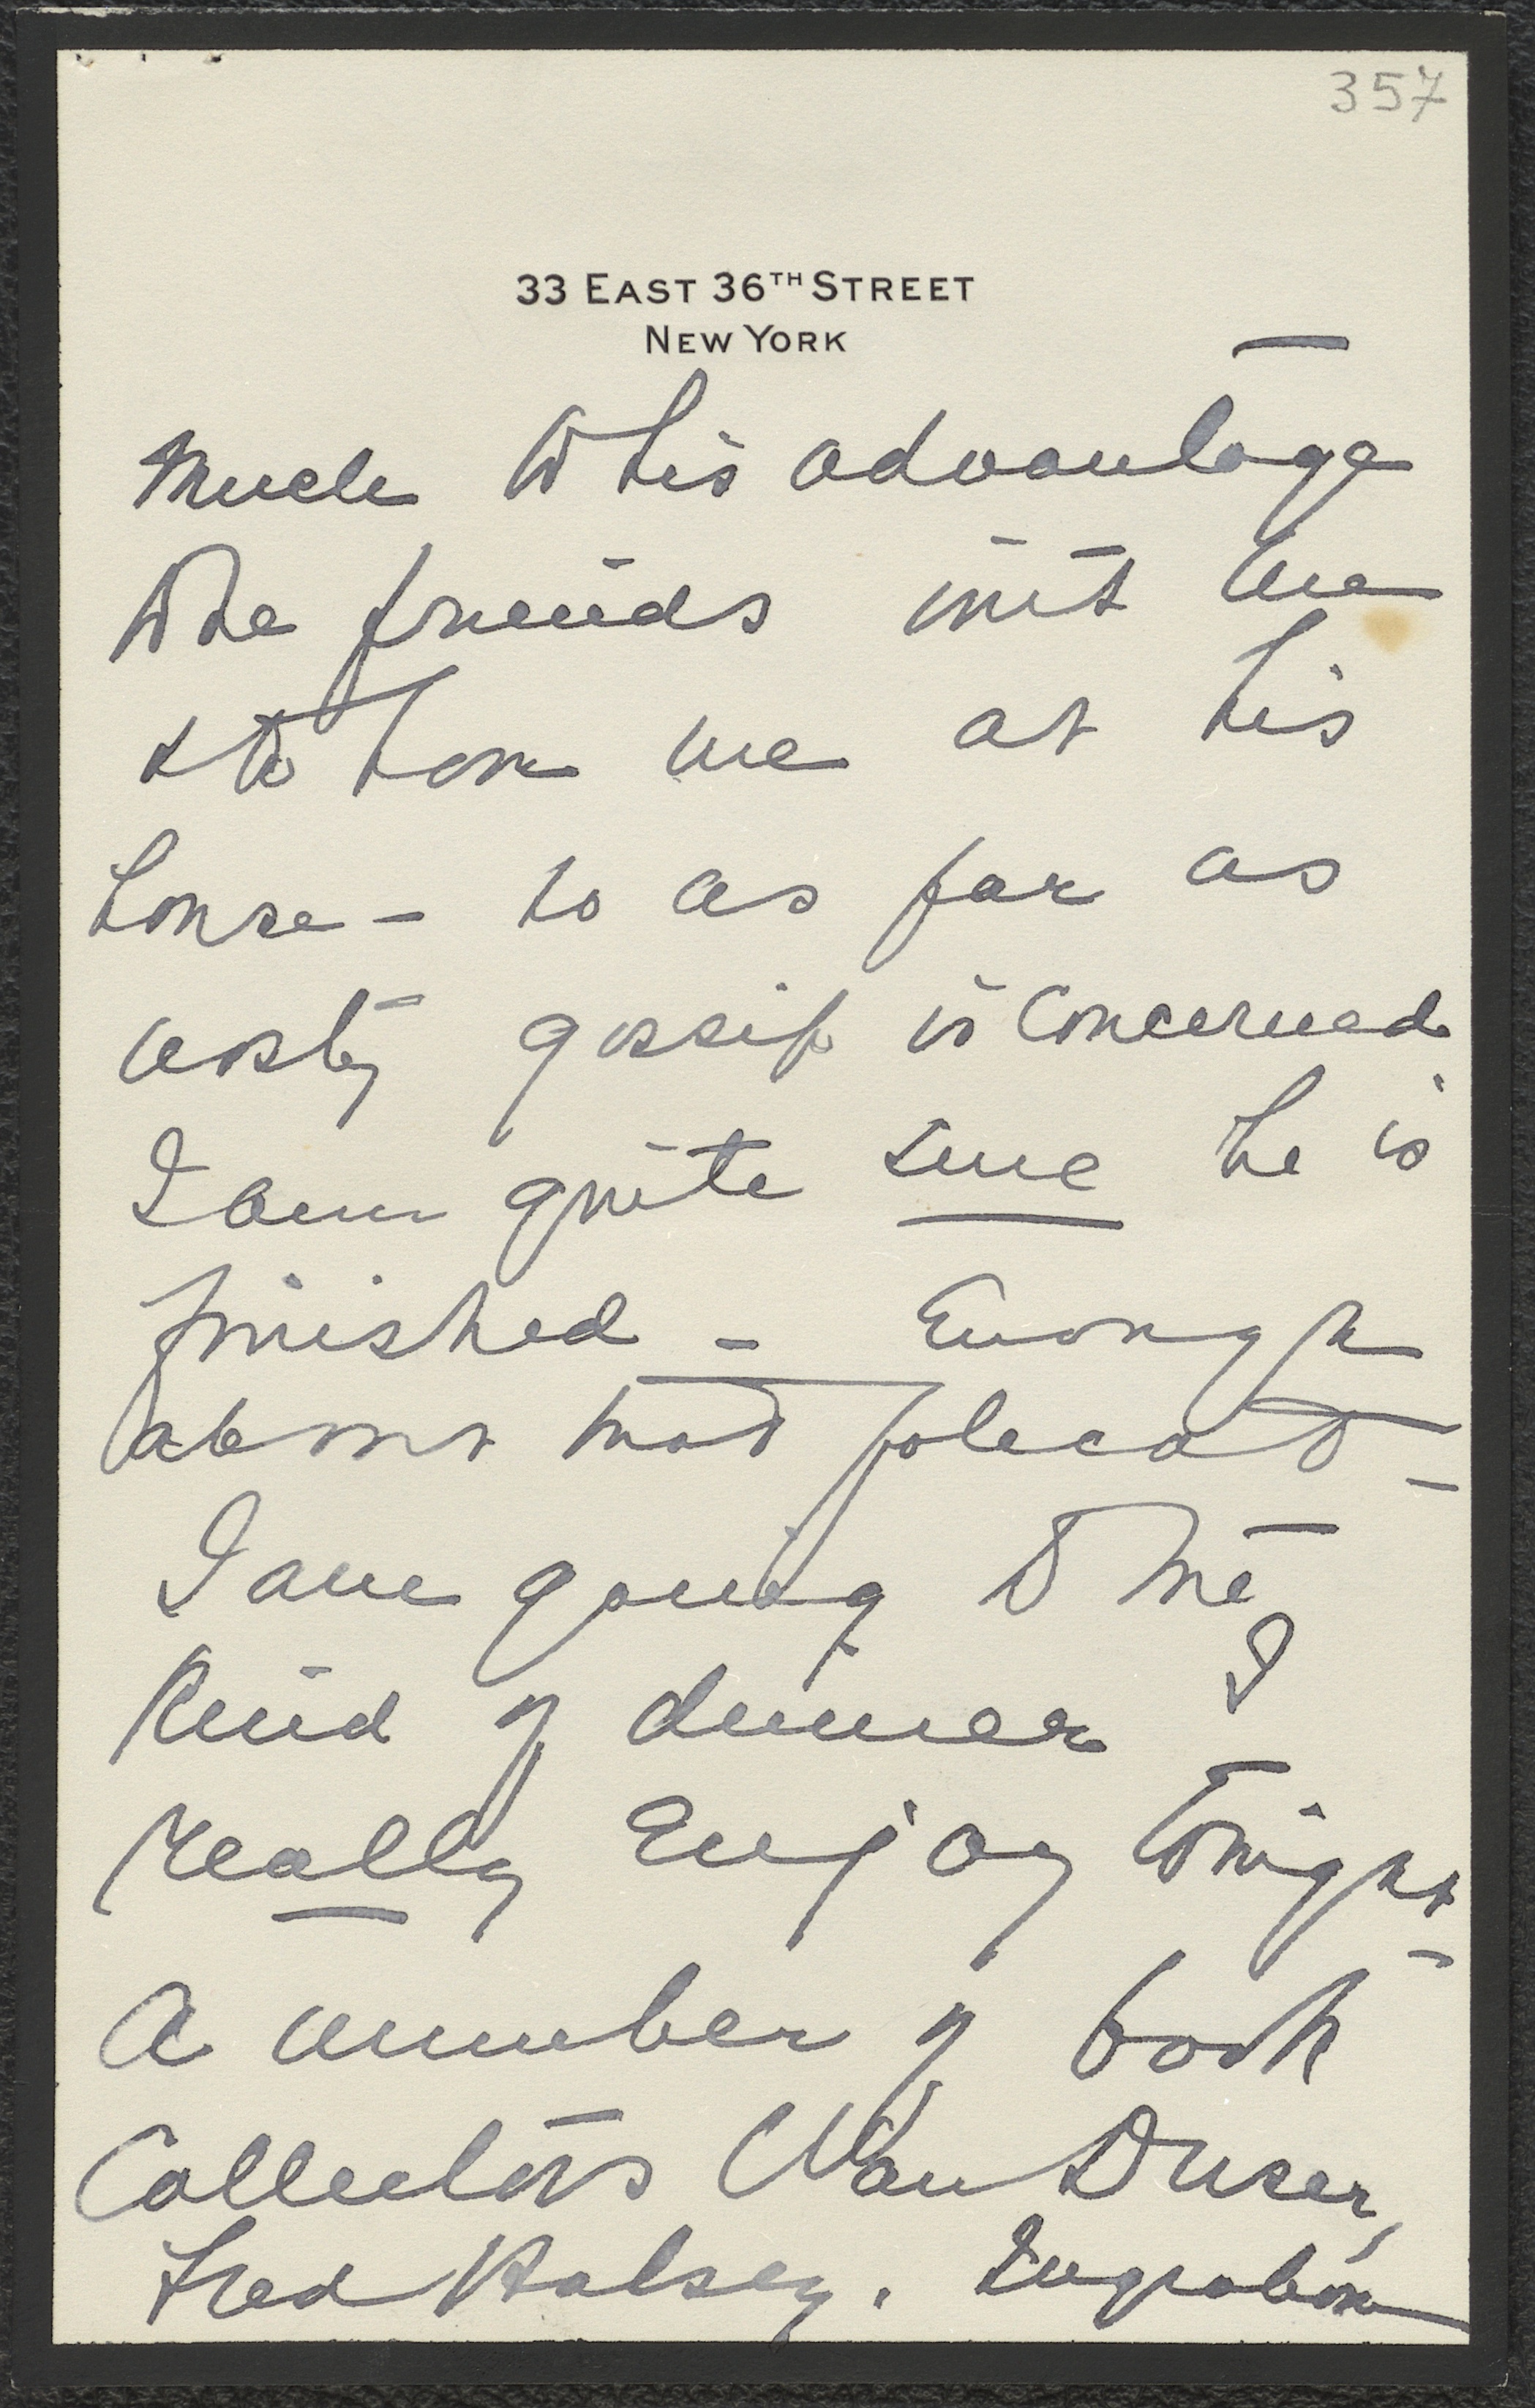much to his advantage to be friends with me & to have me at his house – so as far as nasty gossip is concerned I am quite sure he is finished – Enough about that polecat – I am going to the kind of dinner I really enjoy tonight a number of book collectors (Van Dusen, Fred Halsey, Ingraham